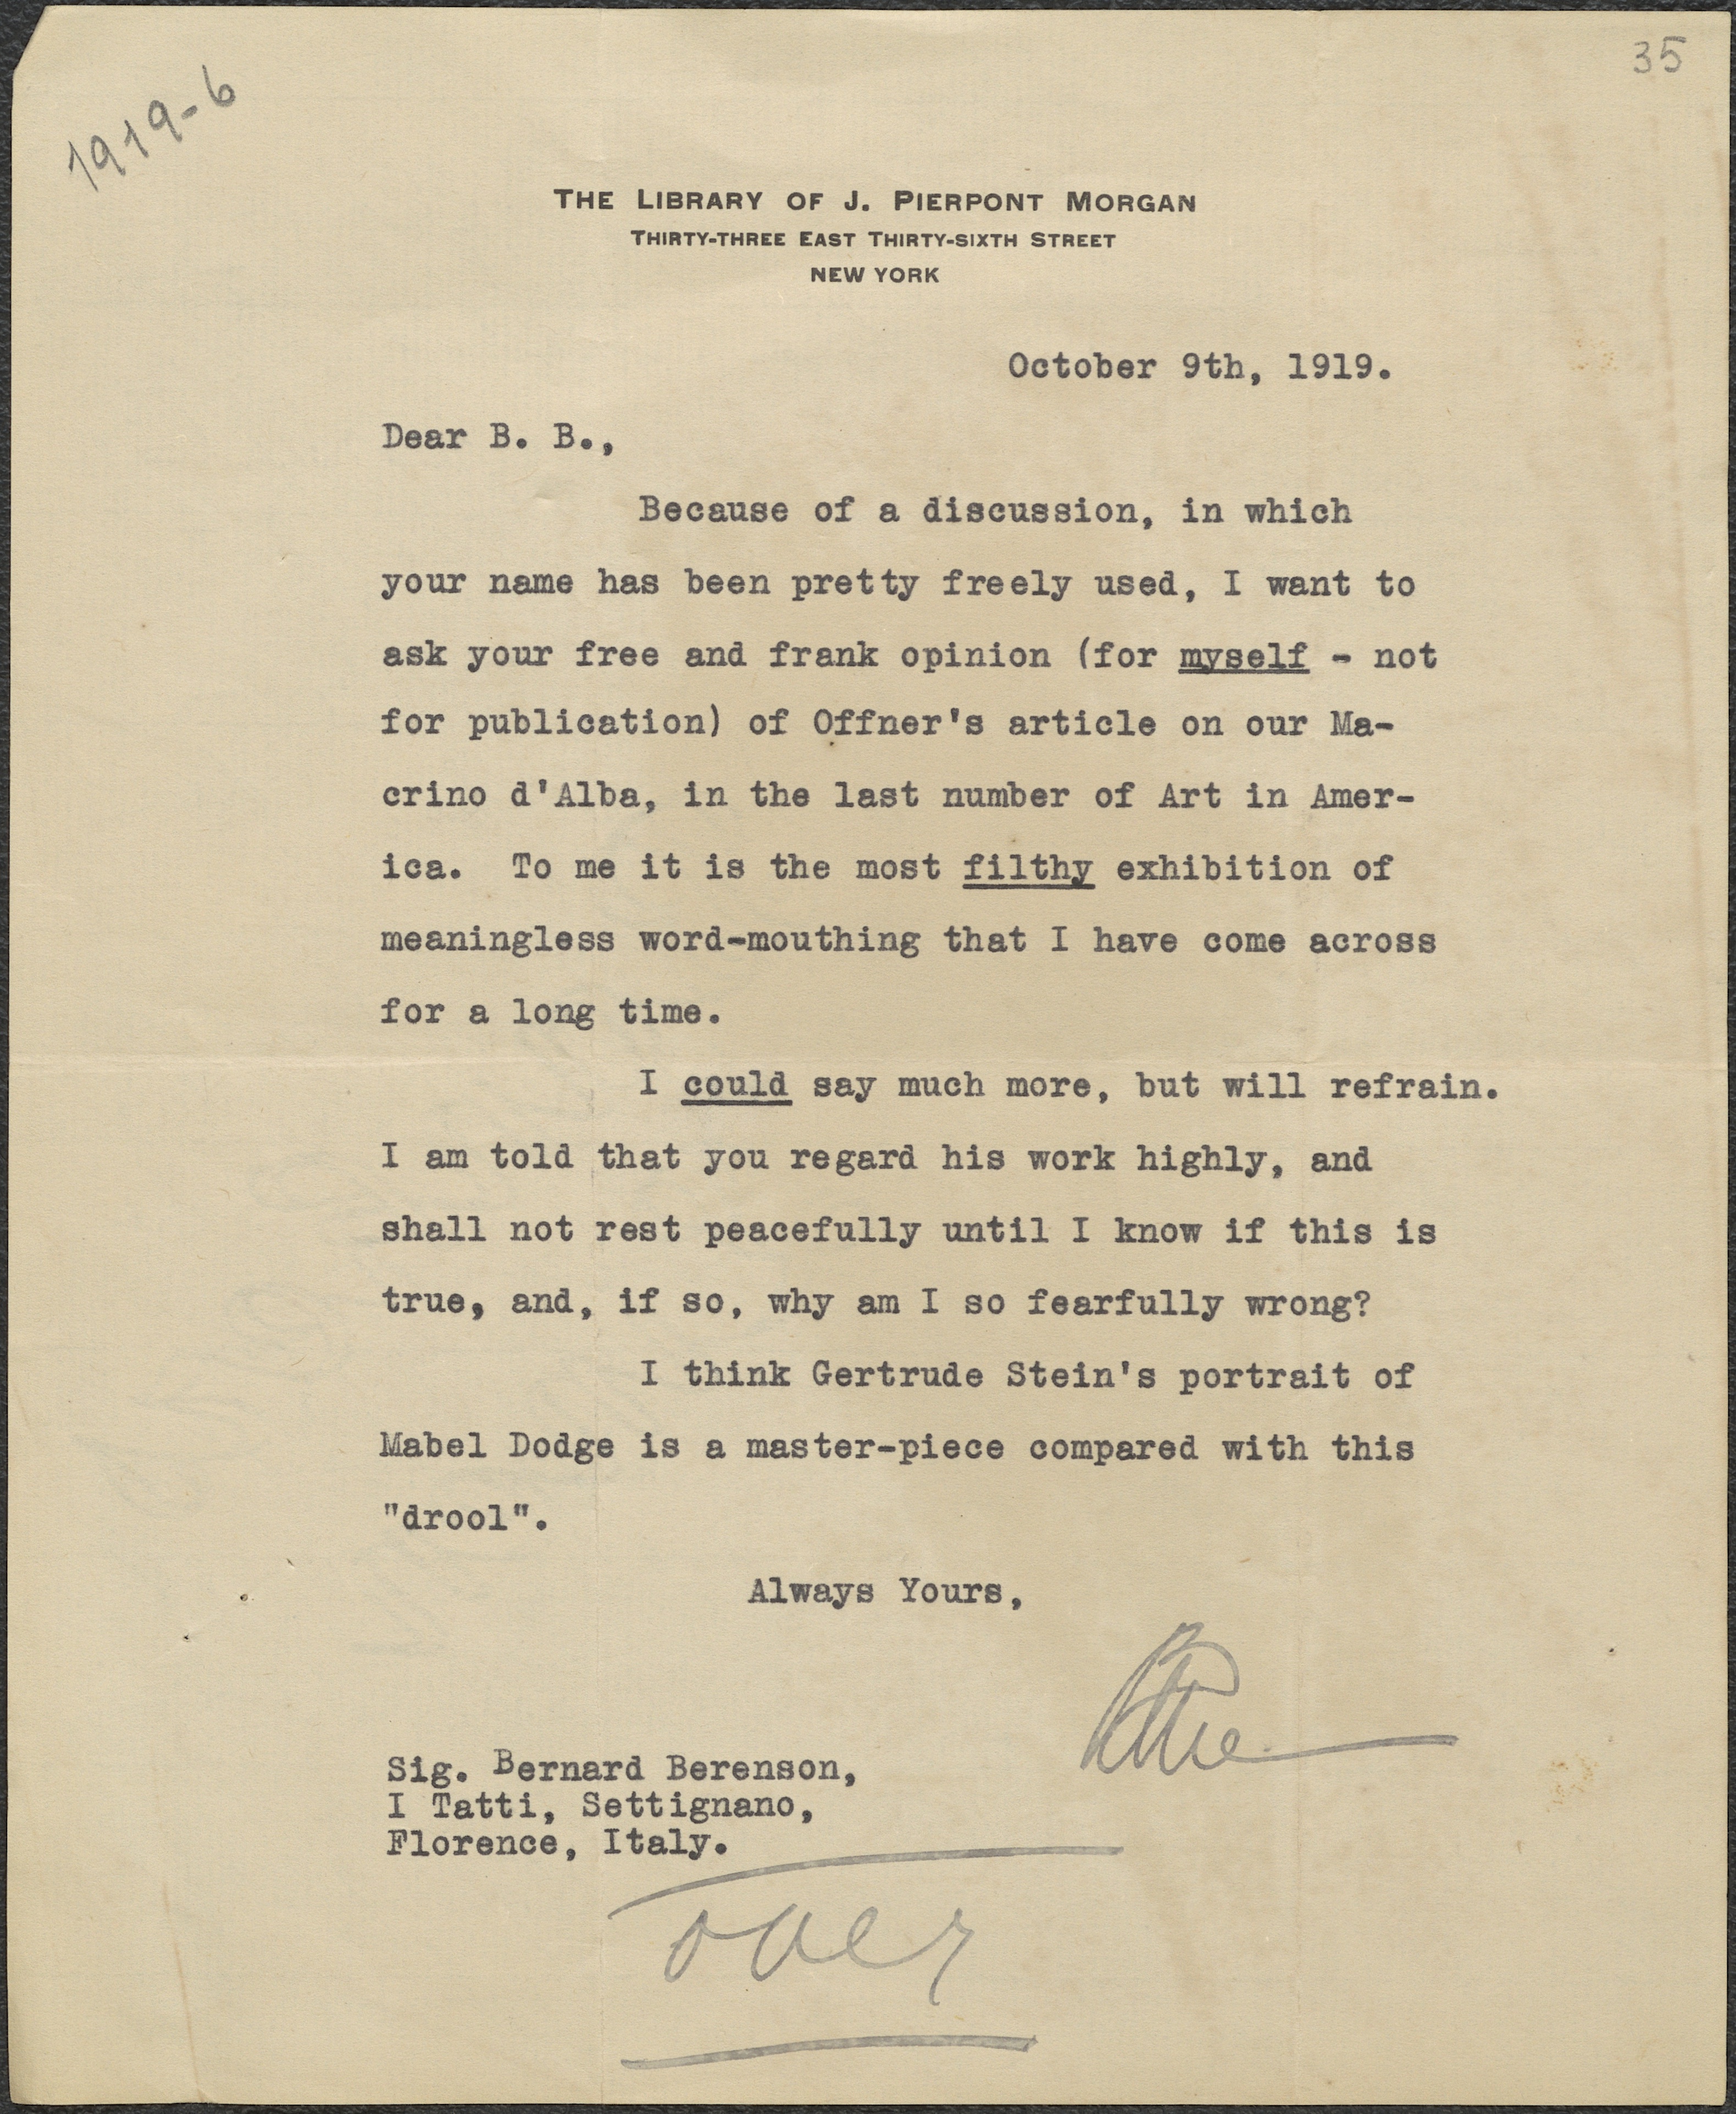October 9th, 1919.
Dear B.B.,
Because of a discussion, in which your name has been pretty freely used, I want to ask your free and frank opinion (for myself – not for publication) of Offner's article on our Macrino d'Alba, in the last number of Art in America. To me it is the most filthy exhibition of meaningless word-mouthing that I have come across for a long time.
I could say much more, but will refrain. I am told you regard his work highly, and shall not rest peacefully until I know if this is true, and, if so, why am I so fearfully wrong?
I think Gertrude Stein's portrait of Mabel Dodge is a master-piece compared with this "drool".
Always Yours,
[handwritten: Belle]
Sig. Bernard Berenson,
I Tatti, Settignano,
Florence, Italy.
[handwritten: over]